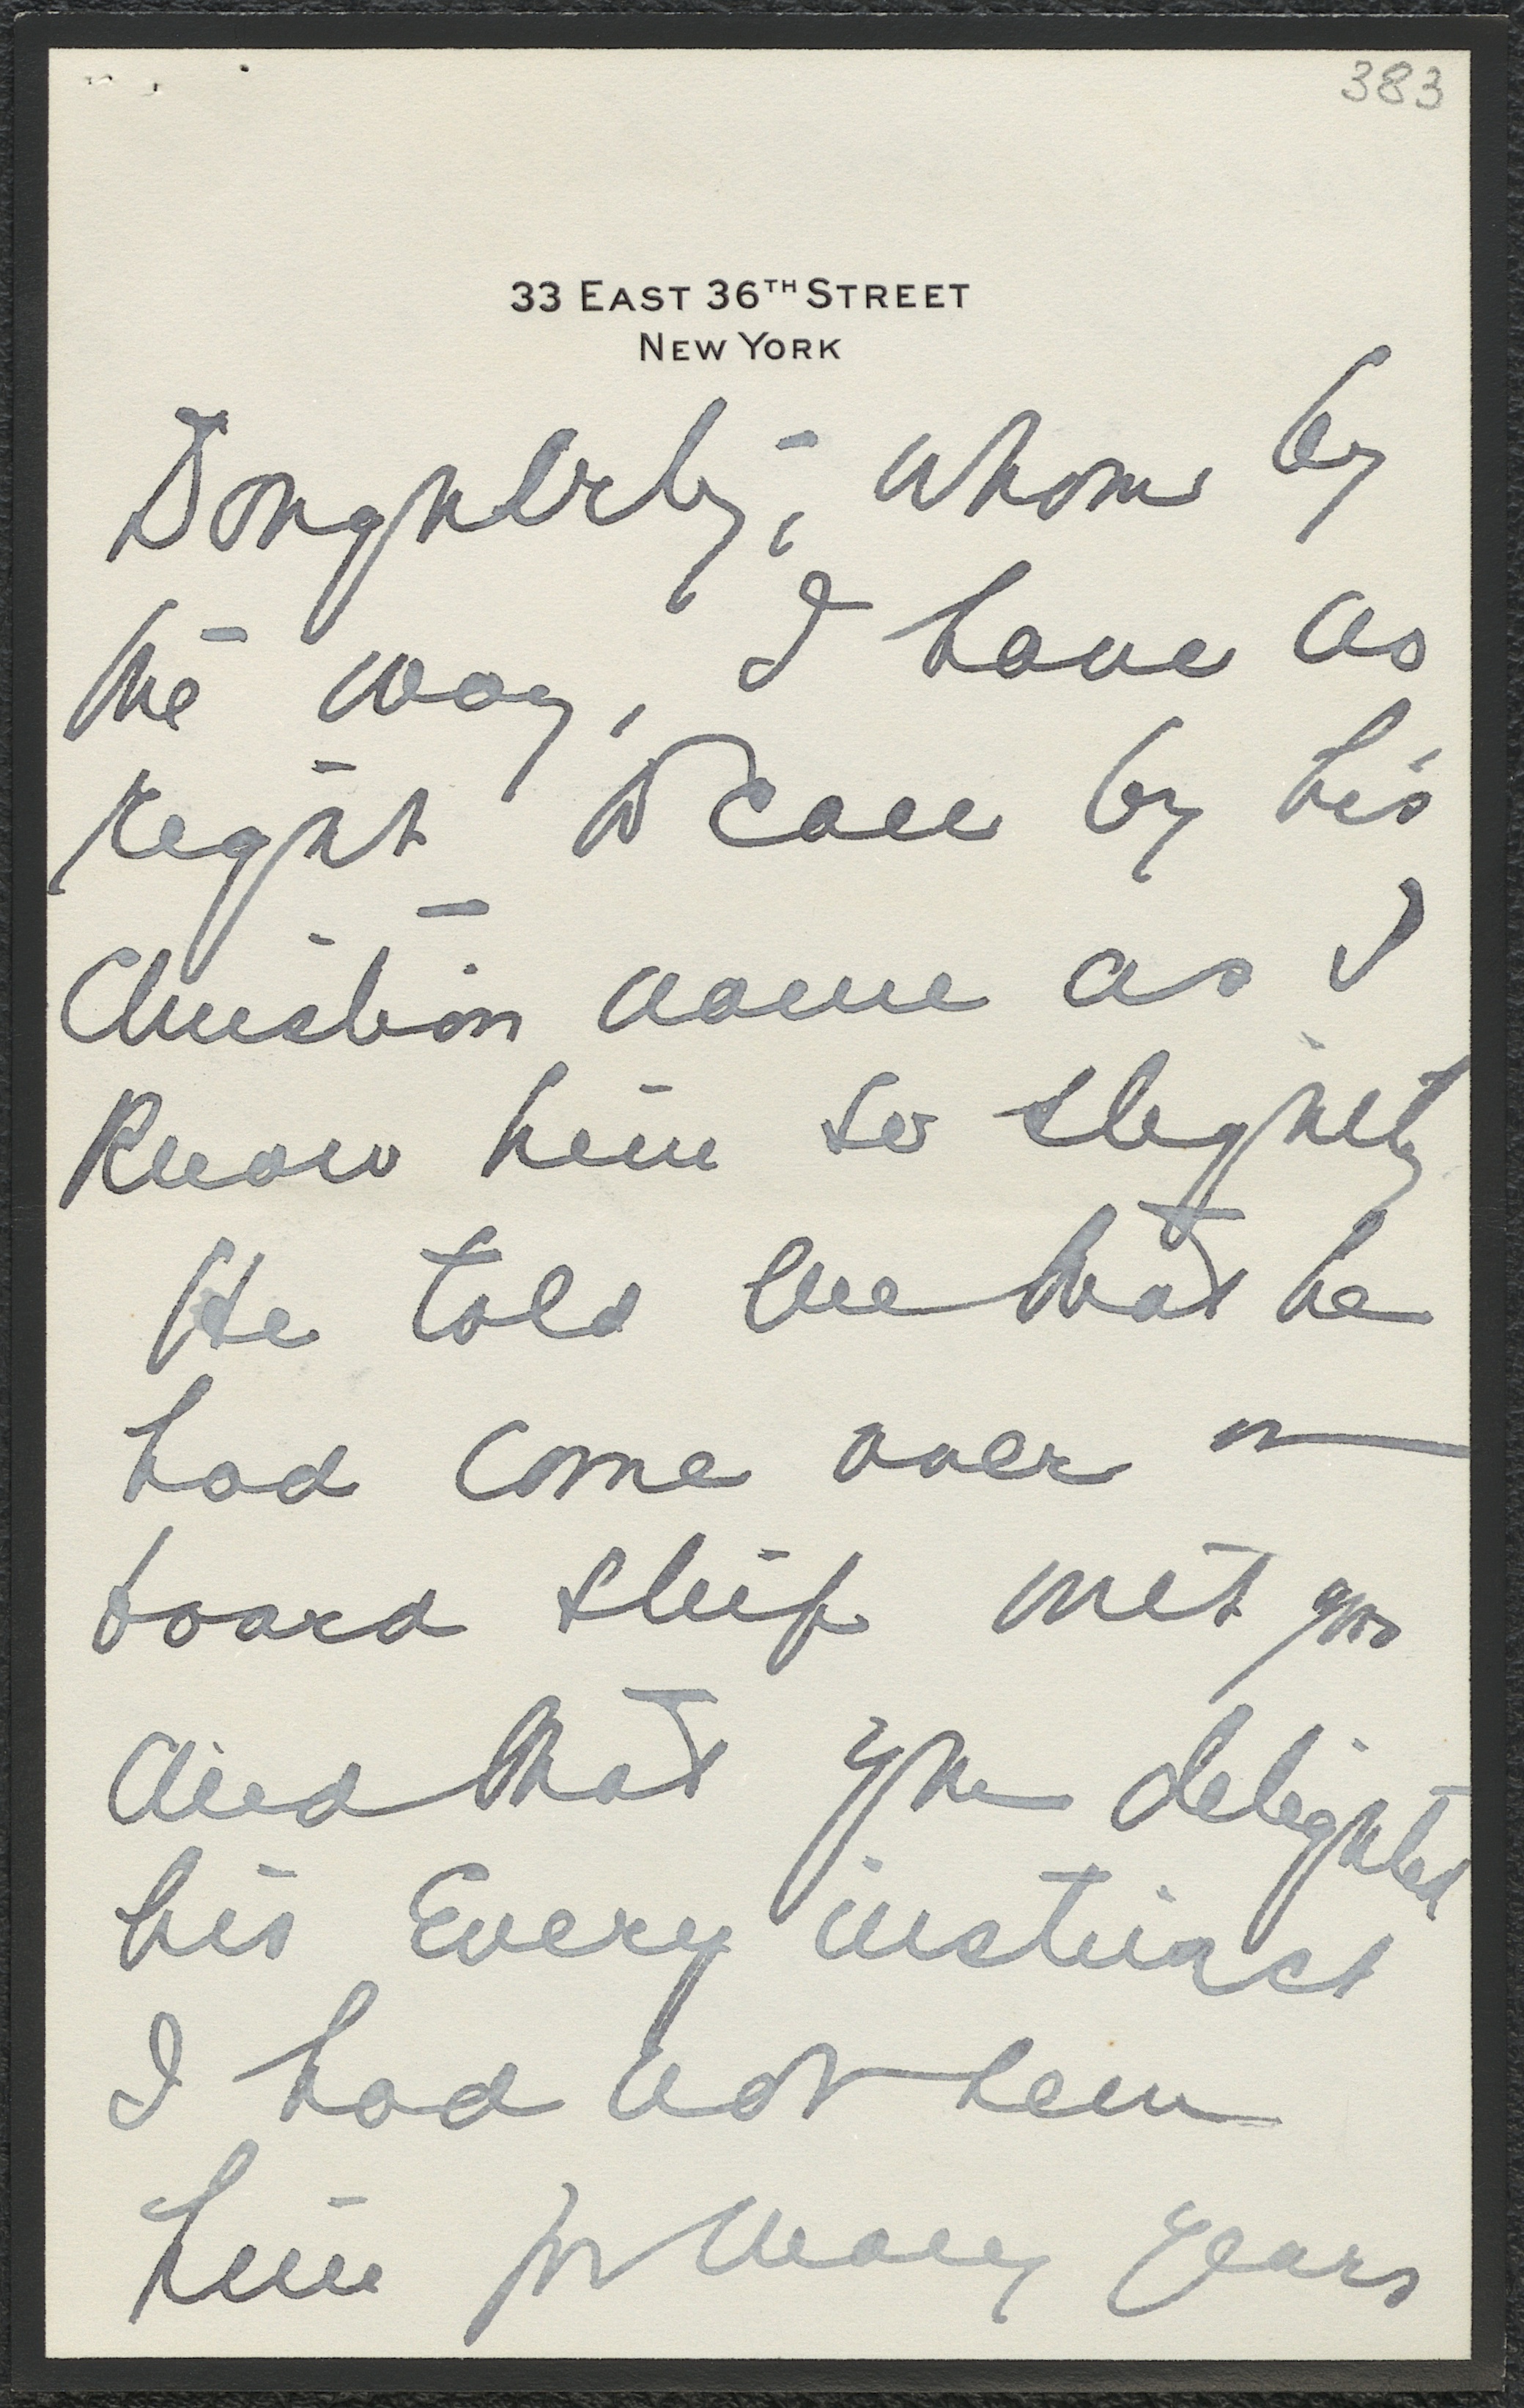Dougherty, whom by the way, I have no right to call by his Christian name as I know him so slightly
He told me that he had come over on board ship with you and that you delighted his every instinct I had not seen him for many years